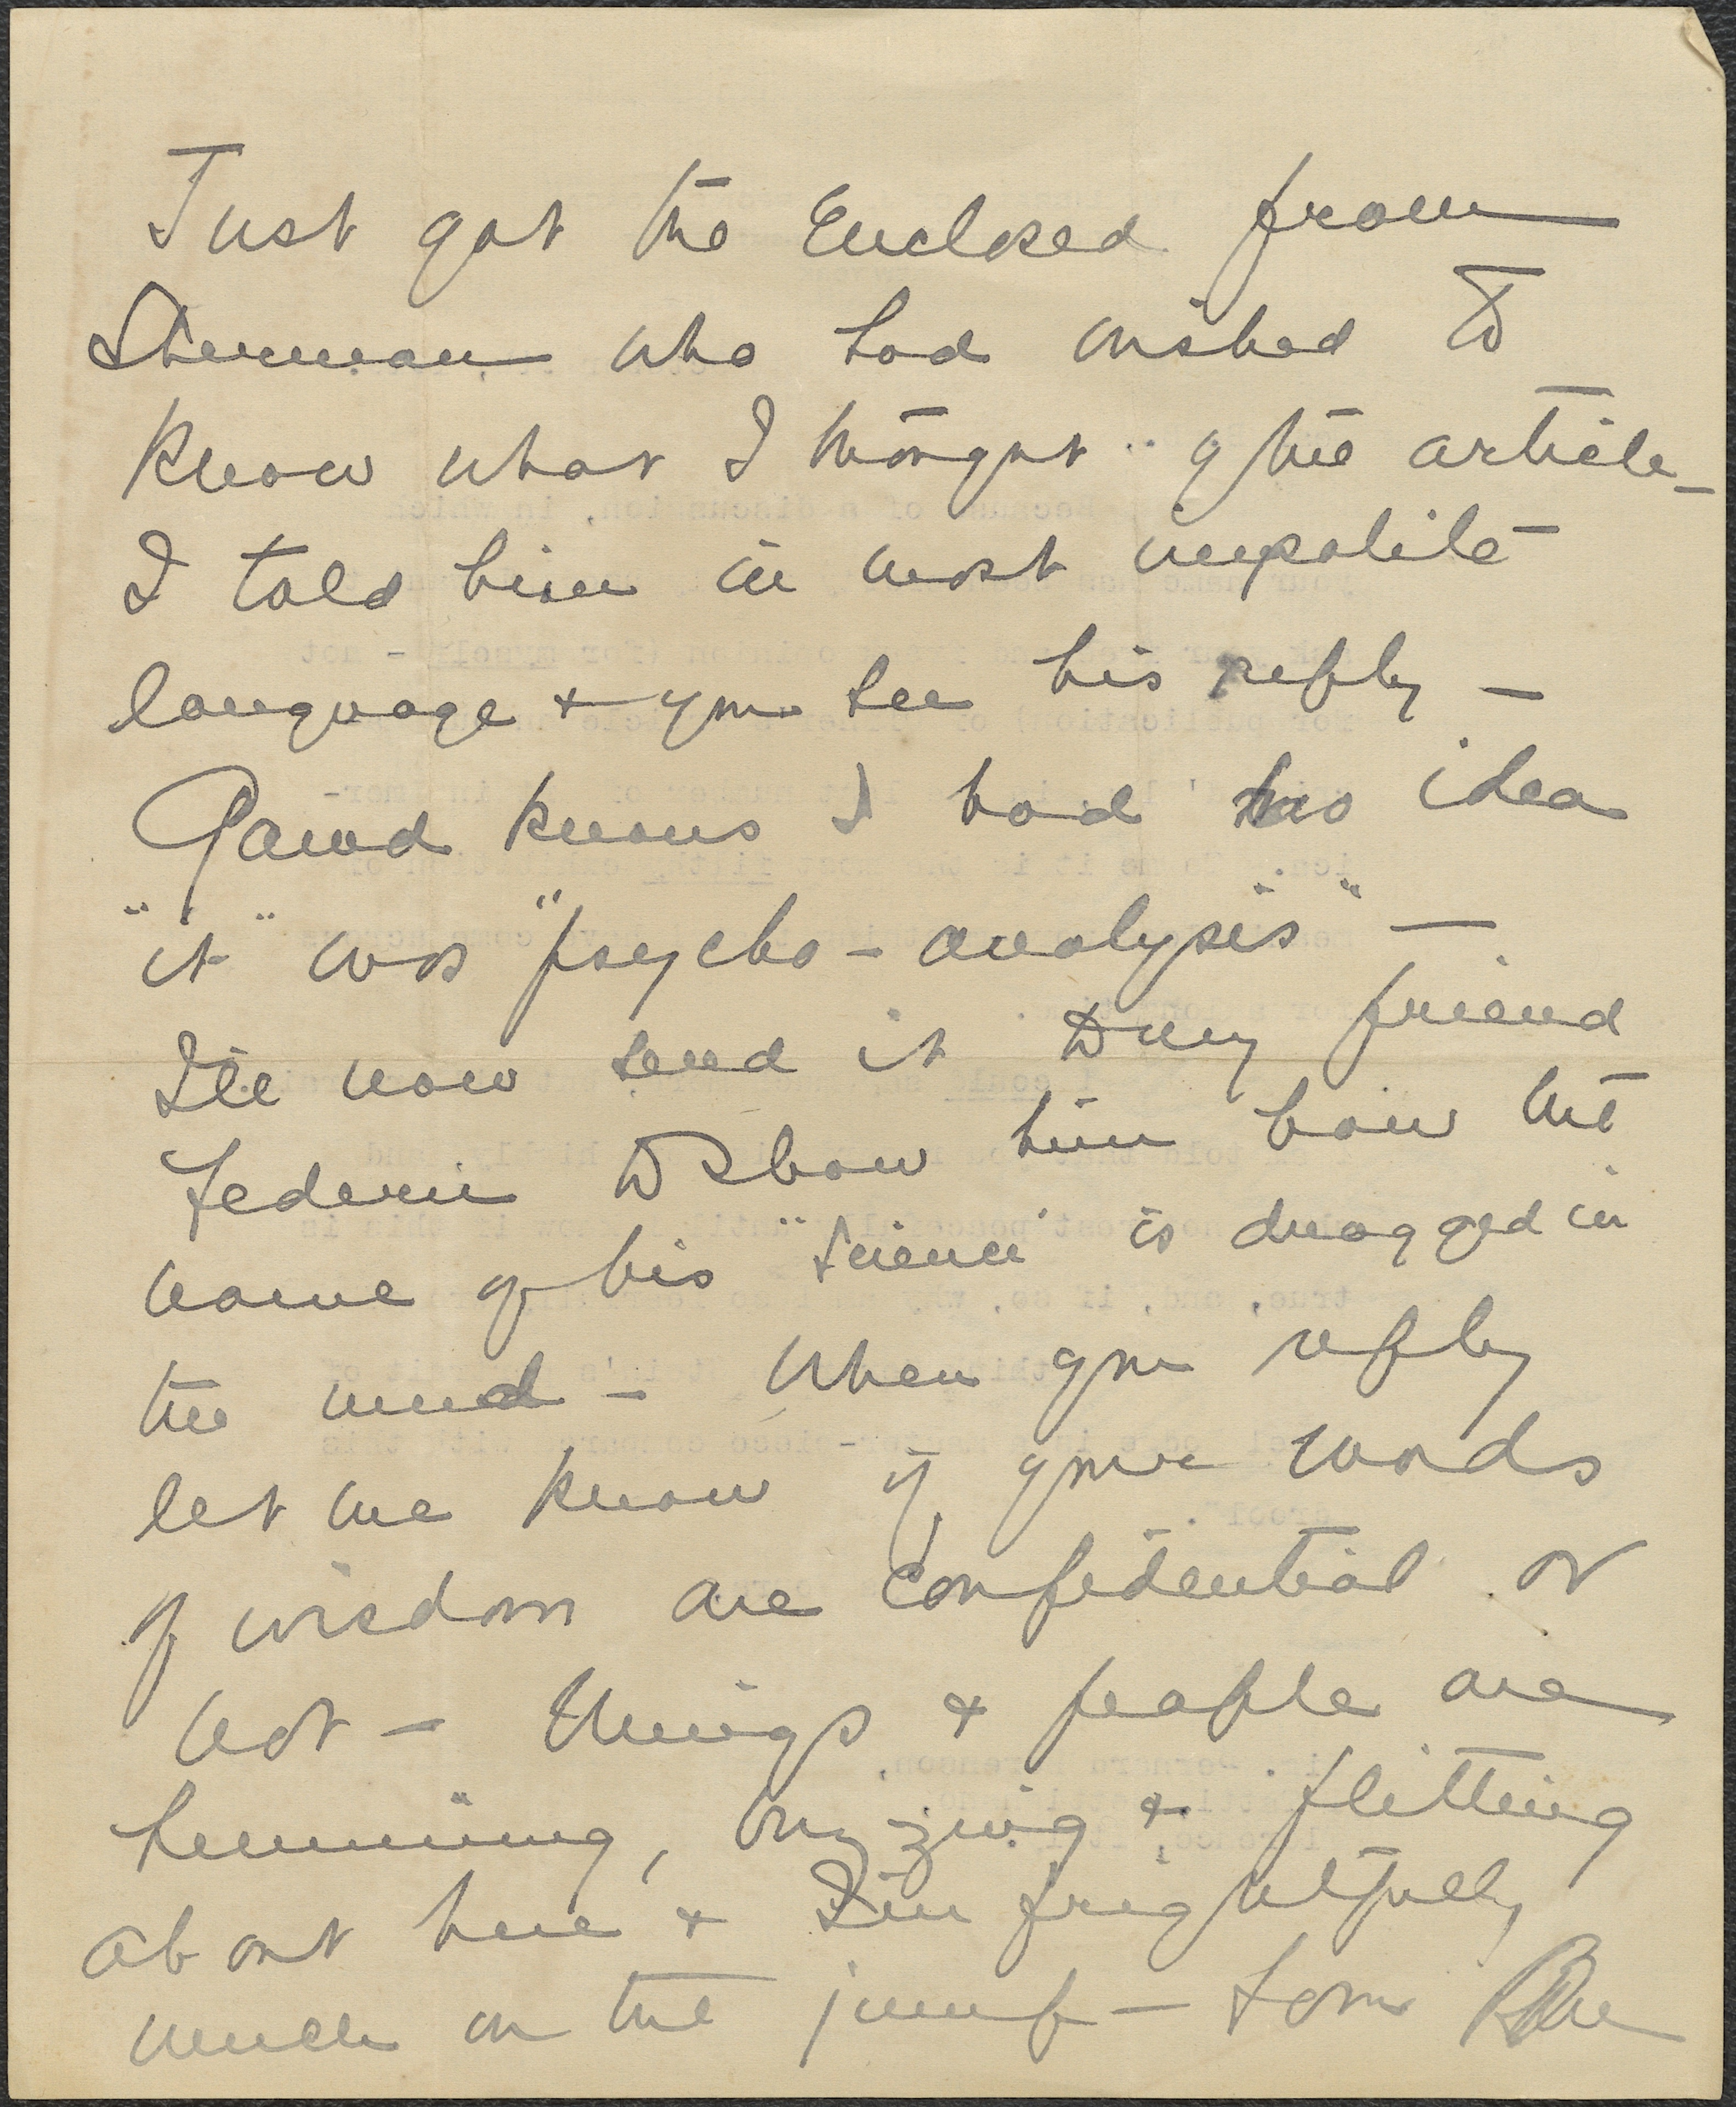Just got the enclosed from Sherman who had wished to know what I thought of the article – I told him in most impolite language & you see his reply –
Gawd knows I had no idea "it" was "psycho-analysis" – I'll now send it to my friend Federic [sic] to show him how the name of his "science" is dragged in the mud – When you reply let me know if your words of wisdom are confidential or not – things and people are humming, buzzing & flitting about here & I'm frightfully much on the jump – Love Belle